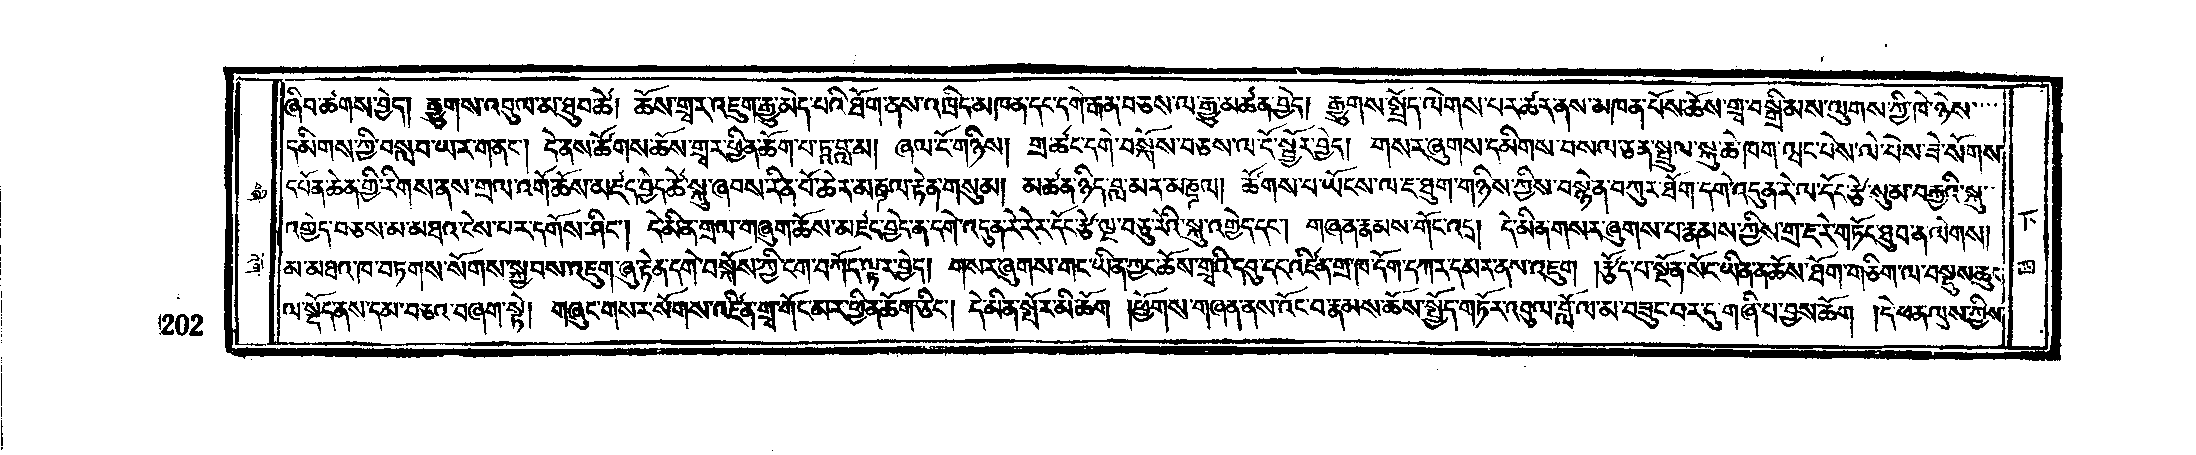ཞིབ་ཚགས་བྱེད། རྒྱུགས་འབུལ་མ་ཐུབ་ཚེ། ཆོས་གྲྭར་འཇུག་རྒྱུ་མེད་པའི་ཐོག་ནས་འཁྲིད་མཁན་དང་དགེ་རྒན་བཅས་ལ་རྒྱུ་མཚན་བྱེད། རྒྱུགས་སྤྲོད་ལེགས་པར་ཚར་ནས་མཁན་པོས་ཆོས་གྲྭ་བསྒྲིམས་ལུགས་ཀྱི་ཁེ་ཉེས་
དམིགས་ཀྱི་བསླབ་ཡར་གནང་། དེ་ནས་ཚོགས་ཆོས་གྲྭར་ཕྱིན་ཆོག་པ་ཏཱ་བླ་མ། ཞལ་ངོ་གཉིས། གྲ་ཚང་དགེ་བསྐོས་བཅས་ལ་ངོ་སྦྱོར་བྱེད། གསར་ཞུགས་དམིགས་བསལ་ཅན་སྤྲུལ་སྐུ་ཆེ་ཁག་ཝང་པེས་ལེ་པེས་ཟེ་སོགས་
དཔོན་ཆེན་གྱི་རིགས་ནས་གྲལ་འགོ་ཆོས་མཛད་བྱེད་ཚེ་སྐུ་ཞབས་རིན་པོ་ཆེར་མཎྜལ་རྟེན་གསུམ། མཚན་ཉིད་བླ་མར་མཎྜལ། ཚོགས་པ་ཡོངས་ལ་ཇ་ཐུག་གཉིས་ཀྱིས་བསྙེན་བཀུར་ཐོག་དགེ་འདུན་རེ་ལ་དོང་རྩེ་སུམ་བརྒྱའི་སྐུ་
འགྱེད་བཅས་མ་མཐའ་ངེས་པར་དགོས་ཤིང་། དེ་མིན་གྲལ་གཞུག་ཆོས་མཛད་བྱེད་ན་དགེ་འདུན་རེ་རེར་དོང་རྩེ་ལྔ་བཅུ་རེའི་སྐུ་འགྱེད་དང་། གཞན་རྣམས་གོང་འདྲ། དེ་མིན་གསར་ཞུགས་པ་རྣམས་ཀྱིས་གྲ་ཇ་རེ་གཏོང་ཐུབ་ན་ལེགས།
མ་མཐའ་ཁ་བཏགས་སོགས་སྐྱབས་འཇུག་ཞུ་རྟེན་དགེ་བསྐོས་ཀྱི་ངག་བཀོད་ལྟར་བྱེད། གསར་ཞུགས་གང་ཡིན་ཀྱང་ཆོས་གྲྭའི་དབུ་དང་འཛིན་གྲ་ཁ་དོག་དཀར་དམར་ནས་འཇུག །རྩོད་པ་སྔོན་སོང་ཡིན་ན་ཆོས་ཐོག་གཅིག་ལ་བསྡུས་ཆུང་
ལ་སྡོད་ནས་དམ་བཅའ་བཞག་སྟེ། གཞུང་གསར་སོགས་འཛིན་གྲྭ་གོང་མར་ཕྱིན་ཆོག་ཅིང་། དེ་མིན་སྤོར་མི་ཆོག །ཕྱོགས་གཞན་ནས་འོང་བ་རྣམས་ཆོས་སྤྱོད་གཏོར་འབུལ་བློ་ལ་མ་བཟུང་བར་དུ་གཞི་པ་བྱས་ཆོག །དེ་ཕན་ལུས་ཀྱིས་